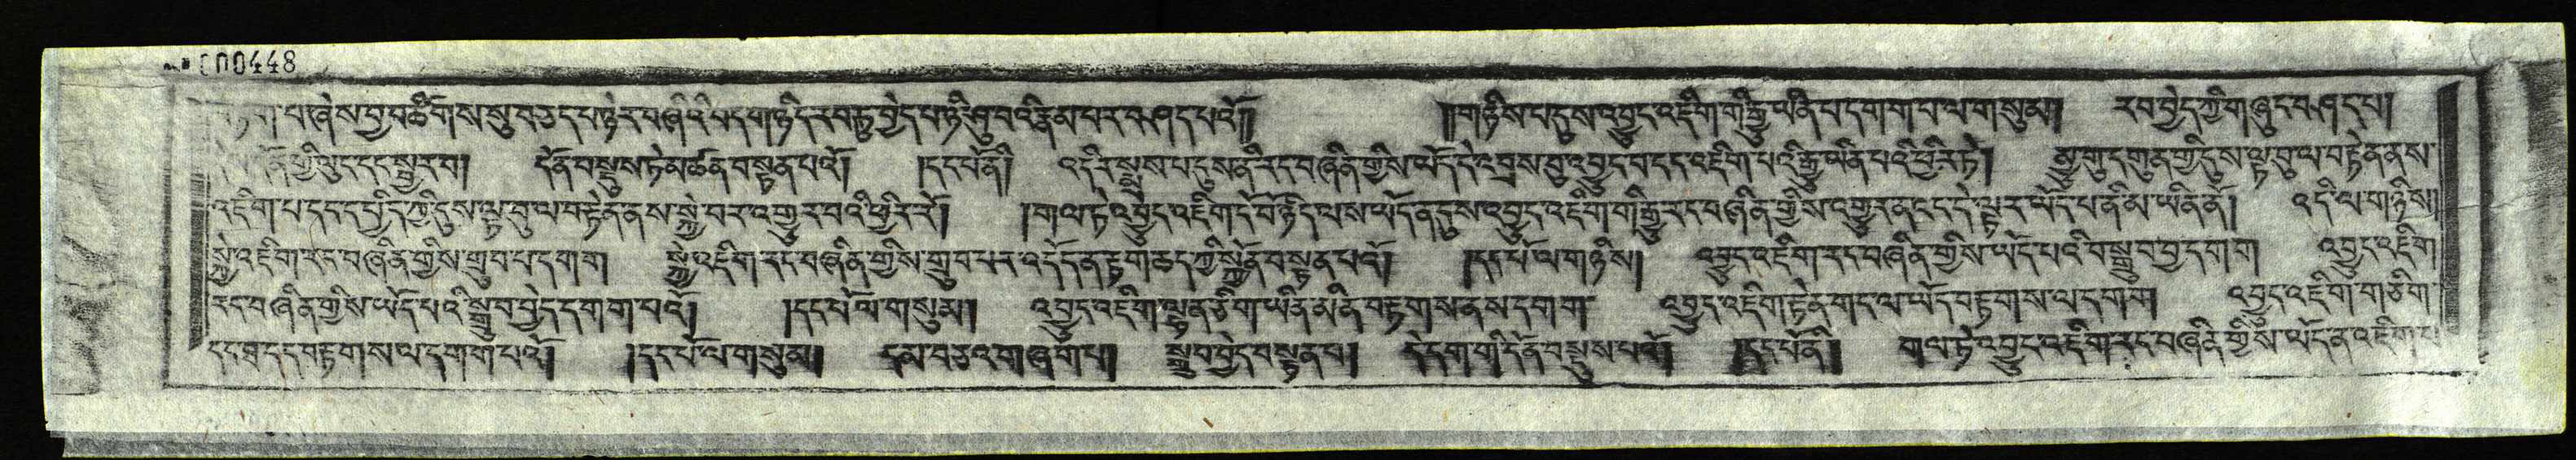བརྟག་པ་ཞེས་བྱ་བ་ཚིགས་སུ་བཅད་པ་ཉེར་བཞིའི་བདག་ཉིད་རབ་ཏུ་བྱེད་པ་ཉི་ཤུ་བའི་རྣམ་པར་བཤད་པའོ།། །།གཉིས་པ་དུས་འབྱུང་འཇིག་གི་རྒྱུ་ཡིན་པ་དགག་པ་ལ་གསུམ། རབ་བྱེད་ཀྱི་གཞུང་བཤད་པ།
ངེས་དོན་གྱི་ལུང་དང་སྦྱར་བ། དོན་བསྡུས་ཏེ་མཚན་བསྟན་པའོ། །དང་པོ་ནི། འདིར་སྨྲས་པ་དུས་ནི་རང་བཞིན་གྱིས་ཡོད་དེ་འབྲས་བུ་འབྱུང་བ་དང་འཇིག་པའི་རྒྱུ་ཡིན་པའི་ཕྱིར་ཏེ། མྱུ་གུ་དགུན་གྱི་དུས་ལྟ་བུ་ལ་བརྟེན་ནས་
འཇིག་པ་དང་དཔྱིད་ཀྱི་དུས་ལྟ་བུ་ལ་བརྟེན་ནས་སྐྱེ་བར་འགྱུར་བའི་ཕྱིར་རོ། །གལ་ཏེ་འབྱུང་འཇིག་ངོ་བོ་ཉིད་ལས་ཡོད་ན་དུས་འབྱུང་འཇིག་གི་རྒྱུ་རང་བཞིན་གྱིས་འགྱུར་ནའང་དེ་ལྟར་ཡོད་པ་ནི་མ་ཡིན་ནོ། འདི་ལ་གཉིས།
སྐྱེ་འཇིག་རང་བཞིན་གྱིས་གྲུབ་པ་དགག་སྐྱེ་འཇིག་རང་བཞིན་གྱིས་གྲུབ་པར་འདོད་ན་རྟག་ཆད་ཀྱི་སྐྱོན་བསྟན་པའོ། །དང་པོ་ལ་གཉིས། འབྱུང་འཇིག་རང་བཞིན་གྱིས་ཡོད་པའི་བསྒྲུབ་བྱ་དགག་འབྱུང་འཇིག་
རང་བཞིན་གྱིས་ཡོད་པའི་སྒྲུབ་བྱེད་དགག་པའོ། །དང་པོ་ལ་གསུམ། འབྱུང་འཇིག་ལྷན་ཅིག་ཡིན་མིན་བརྟགས་ནས་དགག་འབྱུང་འཇིག་རྟེན་གང་ལ་ཡོད་བརྟགས་ལ་དགག་འབྱུང་འཇིག་གཅིག་
དང་ཐ་དད་བརྟགས་ལ་དགག་པའོ། །དང་པོ་ལ་གསུམ། དམ་བཅའ་གཞག་པ། སྒྲུབ་བྱེད་བསྟན་པ། དེ་དག་གི་དོན་བསྡུས་པའོ། །དང་པོ་ནི། གལ་ཏེ་འབྱུང་འཇིག་རང་བཞིན་གྱིས་ཡོད་ན་འཇིག་པ་